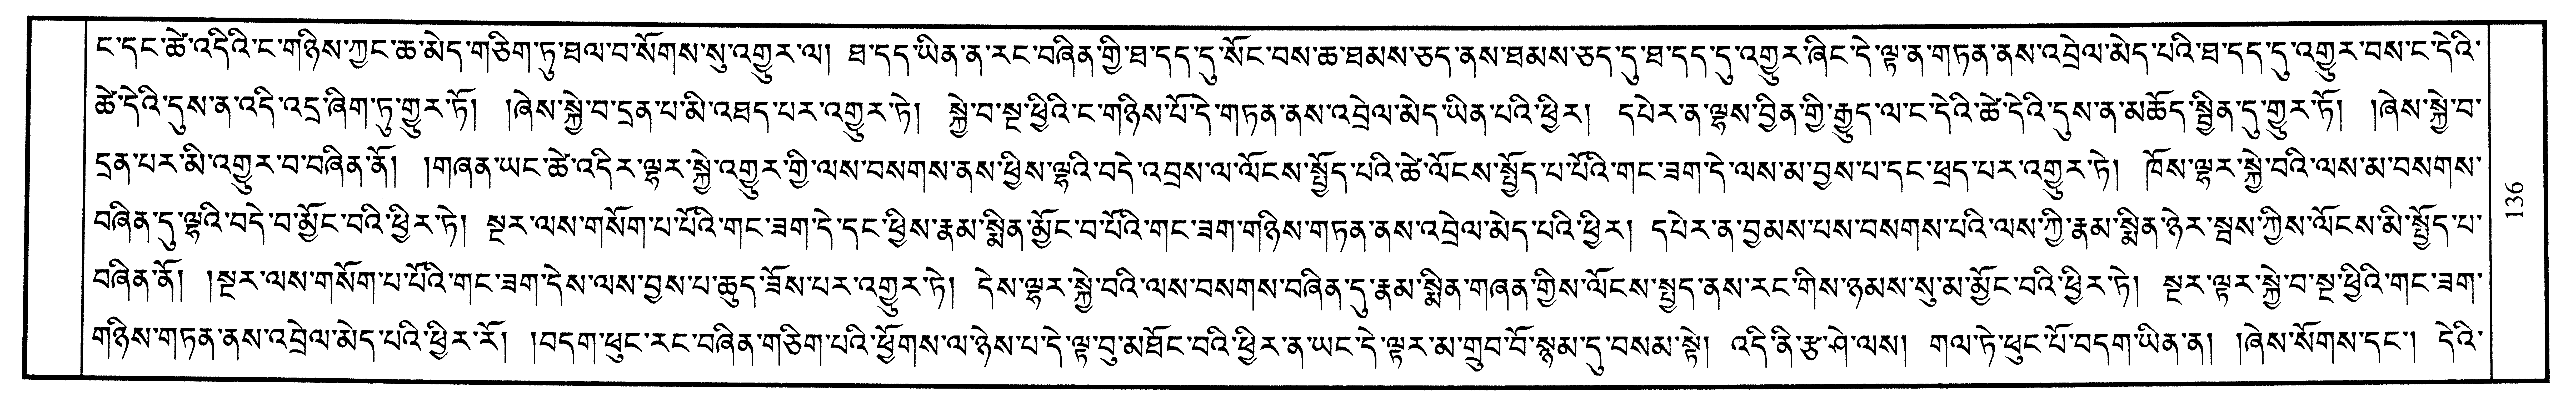ང་དང་ཚེ་འདིའི་ང་གཉིས་ཀྱང་ཆ་མེད་གཅིག་ཏུ་ཐལ་བ་སོགས་སུ་འགྱུར་ལ། ཐ་དད་ཡིན་ན་རང་བཞིན་གྱི་ཐ་དད་དུ་སོང་བས་ཆ་ཐམས་ཅད་ནས་ཐམས་ཅད་དུ་ཐ་དད་དུ་འགྱུར་ཞིང་དེ་ལྟ་ན་གཏན་ནས་འབྲེལ་མེད་པའི་ཐ་དད་དུ་འགྱུར་བས་ང་དེའི་
ཚེ་དེའི་དུས་ན་འདི་འདྲ་ཞིག་ཏུ་གྱུར་ཏོ། །ཞེས་སྐྱེ་བ་དྲན་པ་མི་འཐད་པར་འགྱུར་ཏེ། སྐྱེ་བ་སྔ་ཕྱིའི་ང་གཉིས་པོ་དེ་གཏན་ནས་འབྲེལ་མེད་ཡིན་པའི་ཕྱིར། དཔེར་ན་ལྷས་བྱིན་གྱི་རྒྱུད་ལ་ང་དེའི་ཚེ་དེའི་དུས་ན་མཆོད་སྦྱིན་དུ་གྱུར་ཏོ། །ཞེས་སྐྱེ་བ་
དྲན་པར་མི་འགྱུར་བ་བཞིན་ནོ། །གཞན་ཡང་ཚེ་འདིར་ལྷར་སྐྱེ་འགྱུར་གྱི་ལས་བསགས་ནས་ཕྱིས་ལྷའི་བདེ་འབྲས་ལ་ལོངས་སྤྱོད་པའི་ཚེ་ལོངས་སྤྱོད་པ་པོའི་གང་ཟག་དེ་ལས་མ་བྱས་པ་དང་ཕྲད་པར་འགྱུར་ཏེ། ཁོས་ལྷར་སྐྱེ་བའི་ལས་མ་བསགས་
བཞིན་དུ་ལྷའི་བདེ་བ་མྱོང་བའི་ཕྱིར་ཏེ། སྔར་ལས་གསོག་པ་པོའི་གང་ཟག་དེ་དང་ཕྱིས་རྣམ་སྨིན་མྱོང་བ་པོའི་གང་ཟག་གཉིས་གཏན་ནས་འབྲེལ་མེད་པའི་ཕྱིར། དཔེར་ན་བྱམས་པས་བསགས་པའི་ལས་ཀྱི་རྣམ་སྨིན་ཉེར་སྦས་ཀྱིས་ལོངས་མི་སྤྱོད་པ་
བཞིན་ནོ། །སྔར་ལས་གསོག་པ་པོའི་གང་ཟག་དེས་ལས་བྱས་པ་ཆུད་ཟོས་པར་འགྱུར་ཏེ། དེས་ལྷར་སྐྱེ་བའི་ལས་བསགས་བཞིན་དུ་རྣམ་སྨིན་གཞན་གྱིས་ལོངས་སྤྱད་ནས་རང་གིས་ཉམས་སུ་མ་མྱོང་བའི་ཕྱིར་ཏེ། སྔར་ལྟར་སྐྱེ་བ་སྔ་ཕྱིའི་གང་ཟག་
གཉིས་གཏན་ནས་འབྲེལ་མེད་པའི་ཕྱིར་རོ། །བདག་ཕུང་རང་བཞིན་གཅིག་པའི་ཕྱོགས་ལ་ཉེས་པ་དེ་ལྟ་བུ་མཐོང་བའི་ཕྱིར་ན་ཡང་དེ་ལྟར་མ་གྲུབ་བོ་སྙམ་དུ་བསམ་སྟེ། འདི་ནི་རྩ་ཤེ་ལས། གལ་ཏེ་ཕུང་པོ་བདག་ཡིན་ན། །ཞེས་སོགས་དང་། དེའི་